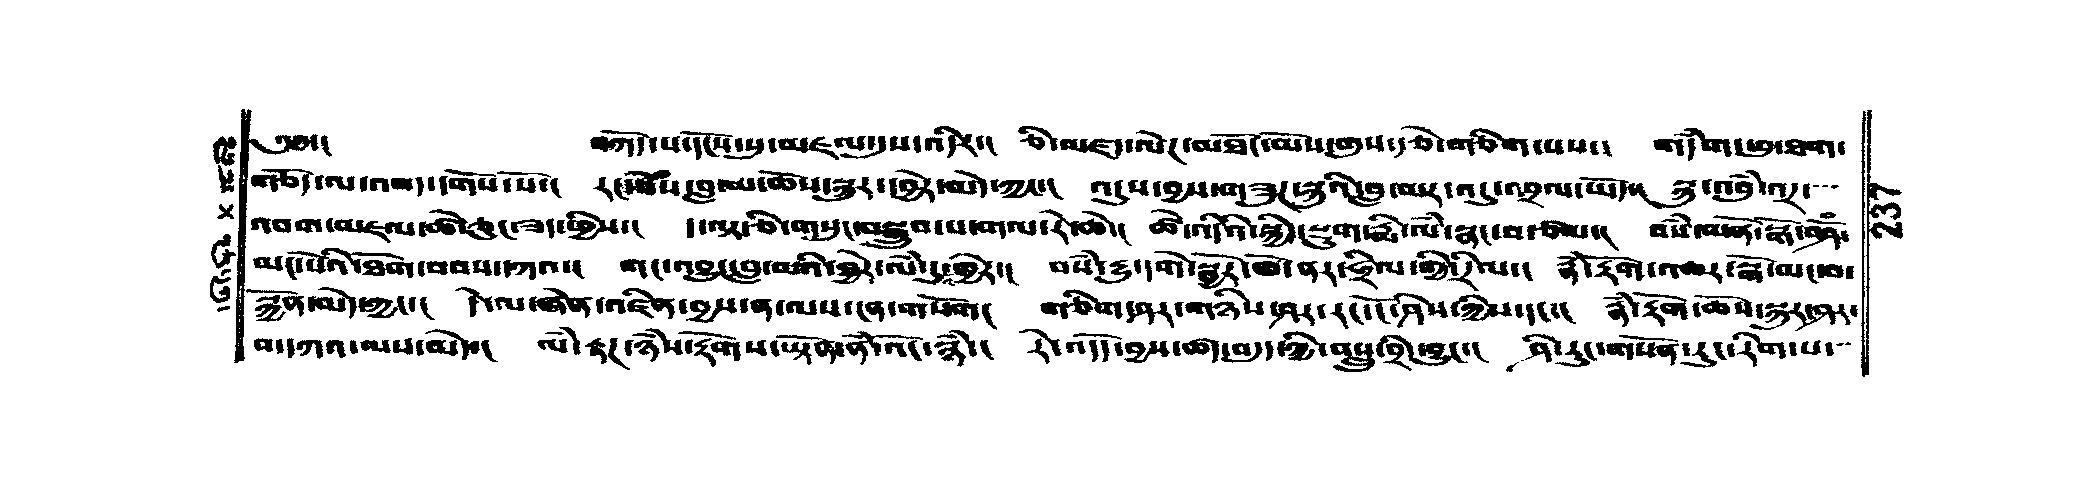བཀོད་པ་དངོས་སུ་མཇལ་དུས་འདིར། །ཅི་མཛད་ལེགས་མཐོང་མོས་གུས་རྩེ་གཅིག་པས། །གདམས་ངག་ཕུ་ཐག་
གཅོད་ལ་འབད་དགོས་སོ། །རང་སེམས་བླ་མ་ཆོས་སྐུར་དབྱེར་མེད་ཀྱང་། །འདུས་བྱས་གཟུགས་སྐུའི་བླ་མར་འདུ་འབྲལ་ཡོད། །སྐུ་འབུམ་འདྲ་
འབག་མཇལ་ཚེ་ཅུང་ཟད་ཕྱིས། །ད་ལྟ་ཅི་གསུང་བསྒྲུབ་པ་གལ་རེ་ཆེ། །ཚེ་འདིའི་སྐྱིད་སྡུག་རྨི་ལམ་སྣང་བ་ཙམ། །བསམ་མནོ་སྒོ་བཤོམ་
མང་པོའི་ཐོག་བབས་དཀའ། །གང་འབྱུང་བླ་མའི་ཐུགས་རྗེར་ལམ་དུ་འཁྱེར། །བསམ་རྒྱུ་དགེ་སྦྱོར་ཁོ་ནར་ཧྲིལ་གྱི་དྲིལ། །རྣམ་རྟོག་འཆར་སྒོ་མང་བ་
སྐྱོན་མེད་ཀྱང་། །དེ་ལ་ཞེན་འཛིན་བྱས་ན་ལས་ངན་གསོག།གཅིག་ཤར་གཉིས་ཤར་རང་ངོ་ཤེས་ཀྱིས་དང་། །རྣམ་རྟོག་ཆོས་སྐུར་ཤར་
བ་དཀའ་ལས་མེད། །ལམ་རྟགས་ཉམས་རྟོགས་ཡོན་ཏན་ནམ་འོང་སྙམ། །རེ་འདོད་བྱས་ཚད་བདུད་ཀྱི་བསླུ་བྲིད་བྱུང་། །ཤི་རུང་གསོན་རུང་རིག་པ་